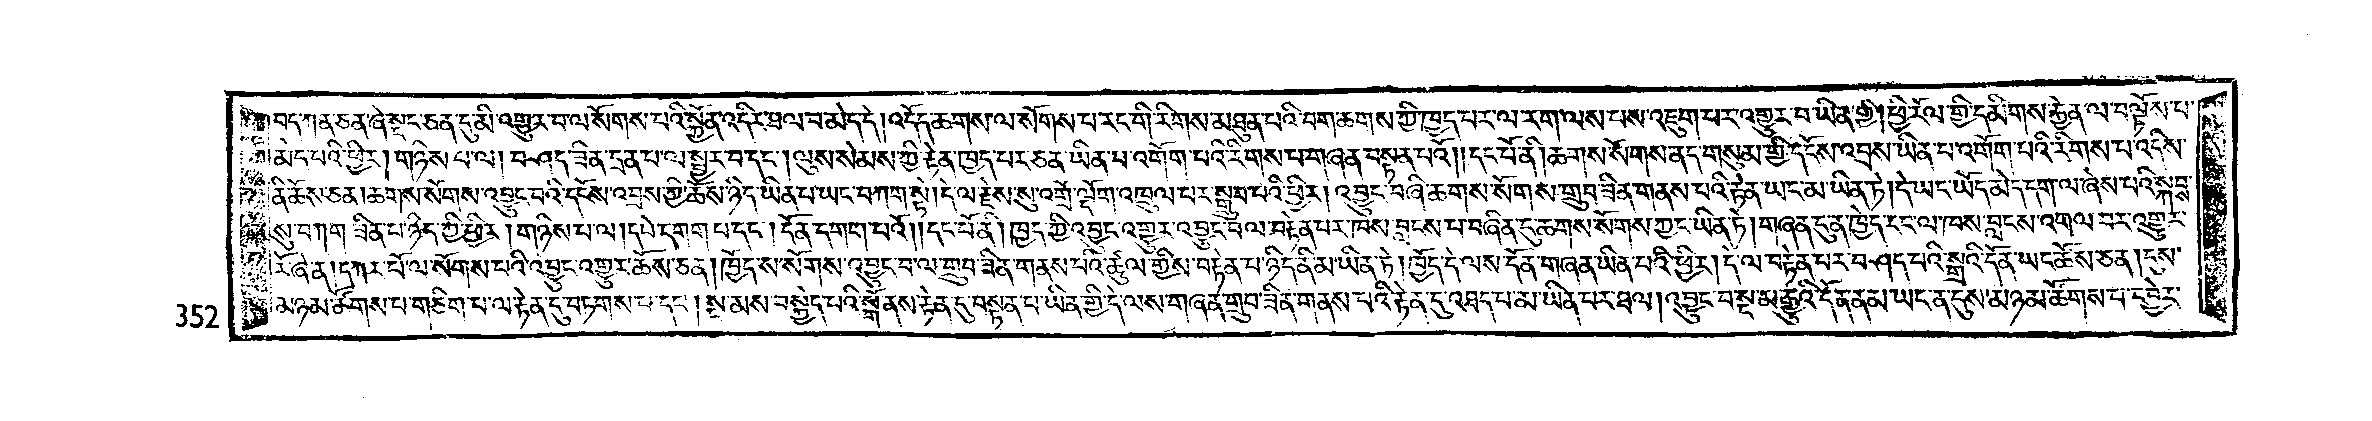བད་ཀན་ཅན་ཞེ་སྡང་ཅན་དུ་མི་འགྱུར་བར་ལ་སོགས་པའི་སྐྱོན་འདིར་ཐལ་བ་མེད་དེ། འདོད་ཆགས་ལ་སོགས་པ་རང་གི་རིགས་མཐུན་པའི་བག་ཆགས་ཀྱི་ཁྱད་པར་ལ་རག་ལས་པས་འཇུག་པར་འགྱུར་བ་ཡིན་གྱི། ཕྱི་རོལ་གྱི་དམིགས་རྐྱེན་ལ་བལྟོས་པ་
མེད་པའི་ཕྱིར། གཉིས་པ་ལ། བཤད་ཟིན་དྲན་པ་ལ་སྦྱར་བ་དང་། ལུས་སེམས་ཀྱི་རྟེན་ཁྱད་པར་ཅན་ཡིན་པ་འགོག་པའི་རིགས་པ་གཞན་བསྟན་པའོ། །དང་པོ་ནི། ཆགས་སོགས་ནད་གསུམ་གྱི་དངོས་འབྲས་ཡིན་པ་འགོག་པའི་རིགས་པ་འདིས་
ནི་ཆོས་ཅན། ཆགས་སོགས་འབྱུང་བའི་དངོས་འབྲས་ཀྱི་ཆོས་ཉིད་ཡིན་པ་ཡང་བཀག་སྟེ། དེ་ལ་རྗེས་སུ་འགྲོ་ལྡོག་འཁྲུལ་པར་སྒྲུབ་པའི་ཕྱིར། འབྱུང་བཞི་ཆགས་སོགས་གྲུབ་ཟིན་གནས་པའི་རྟེན་ཡང་མ་ཡིན་ཏེ། དེ་ཡང་ཡོད་མེད་དག་ལ་ཞེས་པའི་སྐབས་
སུ་བཀག་ཟིན་པ་ཉིད་ཀྱི་ཕྱིར། གཉིས་པ་ལ། དཔེ་དགག་པ་དང་། དོན་དགག་པའོ། །དང་པོ་ནི། ཁྱད་ཀྱི་འབྱུང་འགྱུར་འབྱུང་བ་ལ་བརྟེན་པར་ཁས་བླངས་པ་བཞིན་དུ་ཆགས་སོགས་ཀྱང་ཡིན་ཏེ། གཞན་དུ་ན་ཁྱེད་རང་ལ་ཁས་བླངས་འགལ་བར་འགྱུར་
རོ་ཞེ་ན། དཀར་པོ་ལ་སོགས་པའི་འབྱུང་འགྱུར་ཆོས་ཅན། ཁྱོད་ས་སོགས་འབྱུང་བ་ལ་གྲུབ་ཟིན་གནས་པའི་ཚུལ་གྱིས་བརྟེན་པ་ཉིད་ནི་མ་ཡིན་ཏེ། ཁྱོད་དེ་ལས་དོན་གཞན་ཡིན་པའི་ཕྱིར། དེ་ལ་བརྟེན་པར་བཤད་པའི་སྒྲའི་དོན་ཡང་ཆོས་ཅན། དུས་
ཕ༹མཉམ་ཚོགས་པ་གཅིག་པ་ལ་རྟེན་དུ་བཏགས་པ་དང་། སྔ་མས་བསྐྱེད་པའི་སྒོ་ནས་རྟེན་དུ་བསྟན་པ་ཡིན་གྱི་དེ་ལས་གཞན་གྲུབ་ཟིན་གནས་པའི་རྟེན་དུ་འཐད་པ་མ་ཡིན་པར་ཐལ། འབྱུང་བ་སྔ་མ་རྒྱུའི་དོན་ནམ་ཡང་ན་དུས་མཉམ་ཚོགས་པ་དབྱེར་